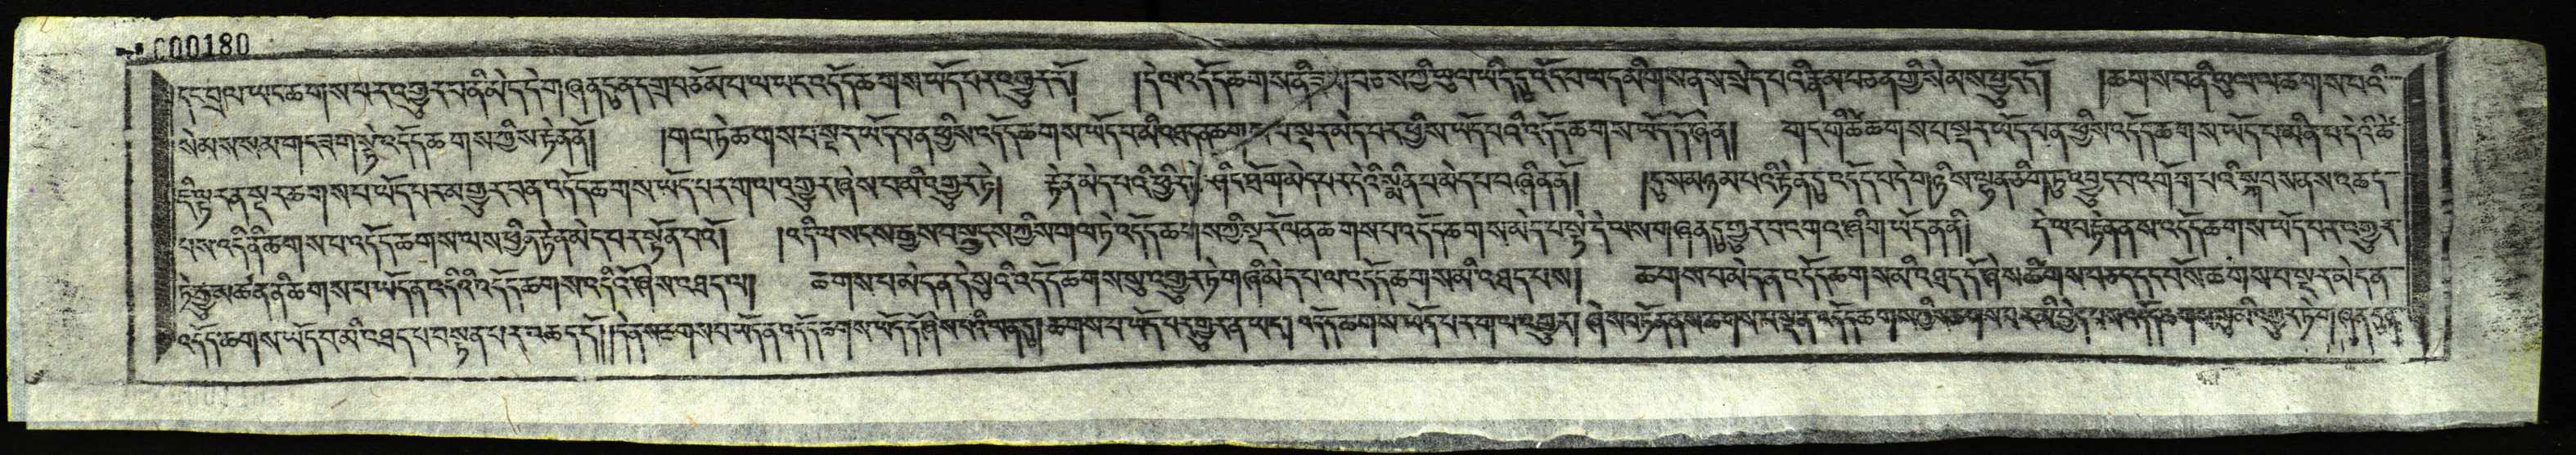དང་བྲལ་ཡང་ཆགས་པར་འགྱུར་བ་ནི་མེད་དེ་གཞན་དུ་ན་དགྲ་བཅོམ་པ་ལ་ཡང་འདོད་ཆགས་ཡོད་པར་འགྱུར་རོ། །དེ་ལ་འདོད་ཆགས་ནི་ཟག་བཅས་ཀྱི་ཡུལ་ཡིད་དུ་འོང་བ་ལ་དམིགས་ནས་སྲེད་པའི་རྣམ་པ་ཅན་གྱི་སེམས་བྱུང་ངོ། །ཆགས་པ་ནི་ཡུལ་ལ་ཆགས་པའི་
སེམས་སམ་གང་ཟག་སྟེ་འདོད་ཆགས་ཀྱིས་རྟེན་ནོ། །གལ་ཏེ་ཆགས་པ་སྔར་ཡོད་པ་ན་ཕྱིས་འདོད་ཆགས་ཡོད་པ་མི་འཐད་ན་ཆགས་པ་སྔར་མེད་པར་ཕྱིས་ཡོད་པའི་འདོད་ཆགས་ཡོད་དོ་ཞེ་ན། གང་གི་ཚེ་ཆགས་པ་སྔར་ཡོད་པ་ན་ཕྱིས་འདོད་ཆགས་ཡོད་པ་མིན་པ་དེའི་ཚེ་
ཇི་ལྟར་ན་སྔར་ཆགས་པ་ཡོད་པར་མ་གྱུར་བ་ན་འདོད་ཆགས་ཡོད་པར་གལ་འགྱུར་ཞེས་པ་མི་འགྱུར་ཏེ། རྟེན་མེད་པའི་ཕྱིར་དེ་ཤིང་ཐོག་མེད་པར་དེའི་སྨིན་པ་མེད་པ་བཞིན་ནོ། །དུས་མཉམ་པའི་རྟེན་དུ་འདོད་པ་དེ་གཉིས་ལྷན་ཅིག་ཏུ་འབྱུང་བ་འགོག་པའི་སྐབས་ནས་འཆད་
པས་འདི་ནི་ཆགས་པ་འདོད་ཆགས་ལས་ཕྱིན་རྟེན་མེད་བར་སྟོན་པའོ། །འདི་ལ་སངས་རྒྱས་བསྐྱངས་ཀྱིས་གལ་ཏེ་འདོད་ཆགས་ཀྱི་སྔ་རོལ་ན་ཆགས་པ་འདོད་ཆགས་མེད་པ་སྟེ་དེ་ལས་གཞན་དུ་གྱུར་པ་འགའ་ཞིག་ཡོད་ན་ནི། དེ་ལ་བརྟེན་ནས་འདོད་ཆགས་ཡོད་པར་འགྱུར་
ཏེ་རྒྱུ་མཚན་ནི་ཆགས་པ་ཡོད་ན་འདིའི་འདོད་ཆགས་འདིའོ་ཞེས་འཐད་ལ། ཆགས་པ་མེད་ན་དེ་སུའི་འདོད་ཆགས་སུ་འགྱུར་ཏེ་གཞི་མེད་པ་ལ་འདོད་ཆགས་མི་འཐད་པས། ཆགས་བ་མེད་ན་འདོད་ཆགས་མི་འཐད་དོ་ཞེས་ཚིགས་བཅད་དང་པོས་ཆགས་པ་སྔར་མེད་ན་
འདོད་ཆགས་ཡོད་པ་མི་འཐད་པ་བསྟན་པར་འཆད་དོ། །དེ་ནས་ཆགས་པ་ཡོད་ན་འདོད་ཆགས་ཡོད་དོ་ཞེས་པའི་ལན་དུ། ཆགས་པ་ཡོད་པར་གྱུར་ན་ཡང་། འདོད་ཆགས་ཡོད་པར་ག་ལ་འགྱུར། ཞེས་བཏོན་ནས་ཆགས་པ་ལྡན་འདོད་ཆགས་ཀྱིས་ཆགས་པར་མི་བྱེད་པས་འདོད་ཆགས་སུ་མི་འགྱུར་ཏེ་གཞན་དུ་ན་